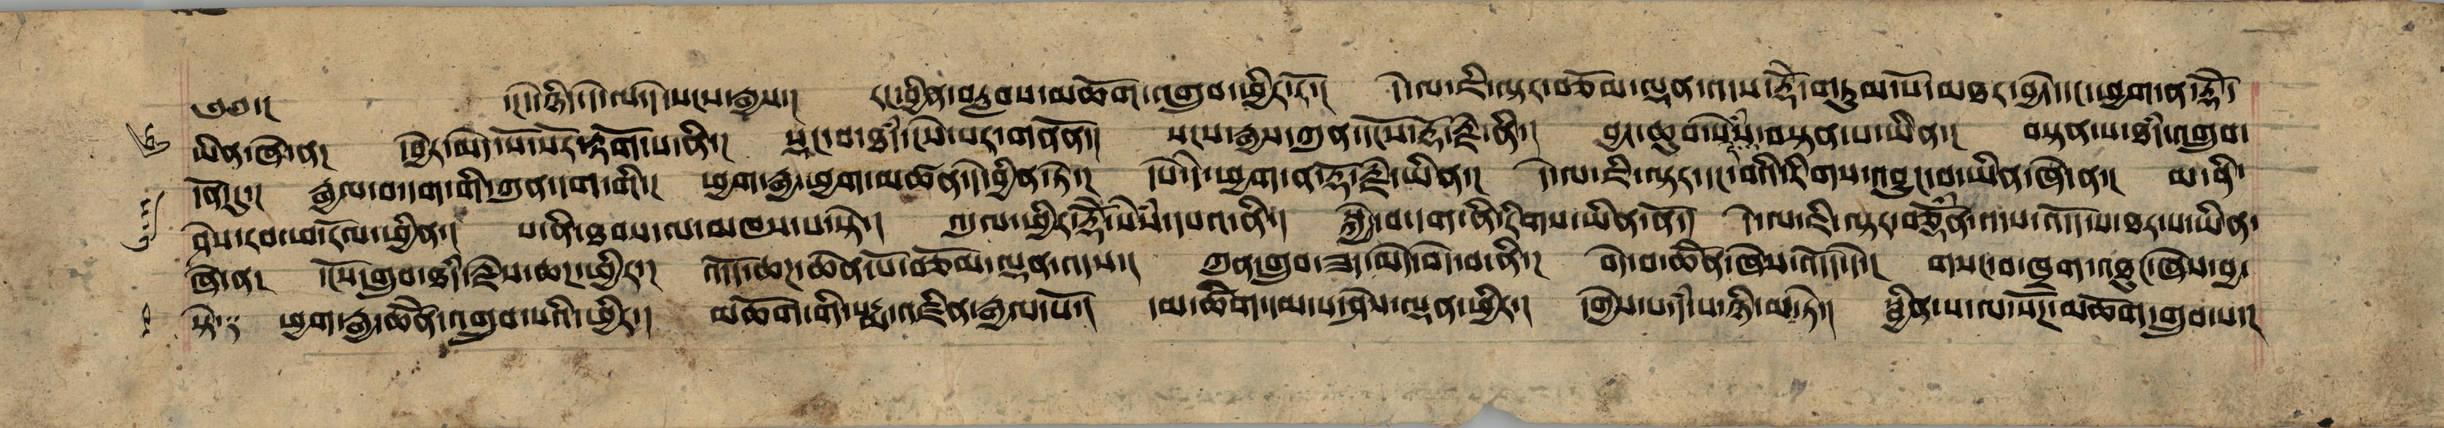༄༅་། ་།དེ་ཉིད་དེ་ལ་དེ་སངས་རྒྱས་། རང་བྱིན་བརླབས་མཆོག་འགྲུབ་ཕྱིར་རོ་། དེ་ལ་ཇི་ལྟར་བཅོམ་ལྡན་འདས་རྡོེ་གཏུམ་པོ་མཐར་བྱེད་དང་ཕྱག་ན་རྡོེ་
ཡིན་ཞེ་ན། དབྱེར་མེད་སོ་སོར་རྟོག་པ་ནི་། སྡང་བ་ཐཾད་ངེས་པར་གནོན་། སངས་རྒྱས་ཀུན་དངོས་རྡོ་རྗེ་ནི་། བྱང་ཆུབ་སེདཾས་བསྟན་པ་ཡིན་། བསྟན་པ་ཐཾད་འགྲུབ་
དོན་དུ་། རྒྱལ་བ་དག་གི་ཀུན་དག་གི་། ཕྱག་རྒྱ་ཕྱག་མཚན་དེ་བྱིན་ཏེ་། དཔེ་དེ་ཕྱག་ན་རྡོ་རྗེ་ཡིན་། དེ་ལ་ཇི་ལྟར་དང་བའི་རིགས་འབྱུང་བ་ཡིན་ཞེ་ན་། མ་ནི་
ཤེས་རབ་ཕ་རོལ་ཕྱིན་། པ་ནི་ཐབས་ལ་མཁས་པ་སྟེ་། འདུལ་ཕྱིར་རྡོེ་སེཾས་དཔའ་ནི་། སྐྱེ་བ་དག་ནི་རིགས་ཡིན་ནོ་། དེ་ལ་ཇི་ལྟར་བཅྟོཾན་འདས་འདོད་པ་ཐར་པ་ཡིན་
ཞེ་ན། དངོས་གྲུབ་ཐདཾ་རྗེས་ཆཌ་ཕྱིར་། འདོད་ཆཌ་ཆེན་པོ་བཅོམ་ལྡན་འདས་། ཀུན་གྲུབ་ཟད་མེད་བདེ་བ་ནི་། བདེ་བ་ཆེོན་ཞེས་འདོད་དེ་། གསང་བ་ཁྲག་འཐུང་ཞེས་བྱ་
སྟེ༑ ཕྱག་རྒྱ་ཆེནོ་འགྲུབ་པའི་ཕྱིར་། མཆོག་གི་པདྨ་འཛིན་རྒྱལ་པོ་། དམ་ཚིག་དམ་པ་ཤེས་ལྡན་ཕྱིར་། དགྱེས་པ་དཾ་པ་ཉི་མ་ཏེ་། སྦྱིན་པ་ལ་སོཌ་མཆོག་གྲུབ་པ་།